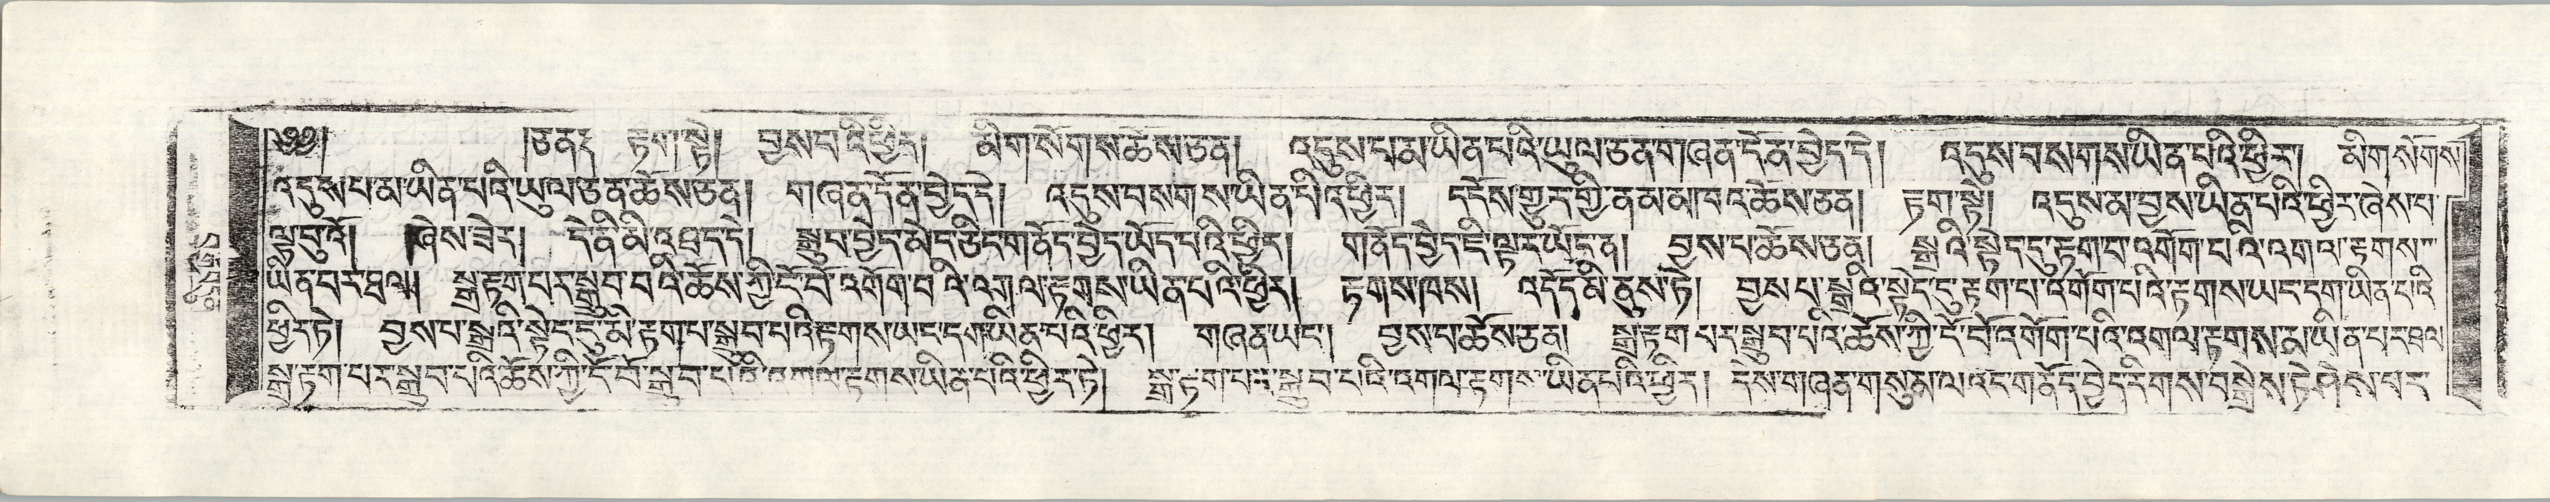༄༅། །ཅན། རྟག་སྟེ། བྱས་པའི་ཕྱིར། མིག་སོགས་ཆོས་ཅན། འདུས་པ་མ་ཡིན་པའི་ཡུལ་ཅན་གཞན་དོན་བྱེད་དེ། འདུས་བསགས་ཡིན་པའི་ཕྱིར། མིག་སོགས་
འདུས་པ་མ་ཡིན་པའི་ཡུལ་ཅན་ཆོས་ཅན། གཞན་དོན་བྱེད་དེ། འདུས་བསགས་ཡིན་པའི་ཕྱིར། དངོས་གྱུར་གྱི་ནམ་མཁའ་ཆོས་ཅན། རྟག་སྟེ། འདུས་མ་བྱས་ཡིན་པའི་ཕྱིར་ཞེས་པ་
ལྟ་བུའོ། །ཞེས་ཟེར། དེ་ནི་མི་འཐད་དེ། སྒྲུབ་བྱེད་མེད་ཅིང་གནོད་བྱེད་ཡོད་པའི་ཕྱིར། གནོད་བྱེད་ཇི་ལྟར་ཡོད་ཅེན། བྱས་པ་ཆོས་ཅན། སྒྲའི་སྟེང་དུ་རྟག་པ་འགོག་པའི་འགལ་རྟགས་
ཡིན་པར་ཐལ། སྒྲ་རྟག་པར་སྒྲུབ་པའི་ཆོས་ཀྱི་ངོ་བོ་འགོག་པའི་འགལ་རྟགས་ཡིན་པའི་ཕྱིར། རྟགས་ཁས། འདོད་མི་ནུས་ཏེ། བྱས་པ་སྒྲའི་སྟེང་དུ་རྟག་པ་འགོག་པའི་རྟགས་ཡང་དག་ཡིན་པའི་
ཕྱིར་ཏེ། བྱས་པ་སྒྲའི་སྟེང་དུ་མི་རྟག་པ་སྒྲུབ་པའི་རྟགས་ཡང་དག་ཡིན་པའི་ཕྱིར། གཞན་ཡང་། བྱས་པ་ཆོས་ཅན། སྒྲ་རྟག་པར་སྒྲུབ་པའི་ཆོས་ཀྱི་ངོ་བོ་འགོག་པའི་འགལ་རྟགས་མ་ཡིན་པར་ཐལ།
སྒྲ་རྟག་པར་སྒྲུབ་པའི་ཆོས་ཀྱི་ངོ་བོ་སྒྲུབ་པའི་འགལ་རྟགས་ཡིན་པའི་ཕྱིར་ཏེ། སྒྲ་རྟག་པར་སྒྲུབ་པའི་འགལ་རྟགས་ཡིན་པའི་ཕྱིར། དེས་གཞན་གསུམ་ལའང་གནོད་བྱེད་རིགས་བསྒྲེས་ཏེ་ཤེས་པར་